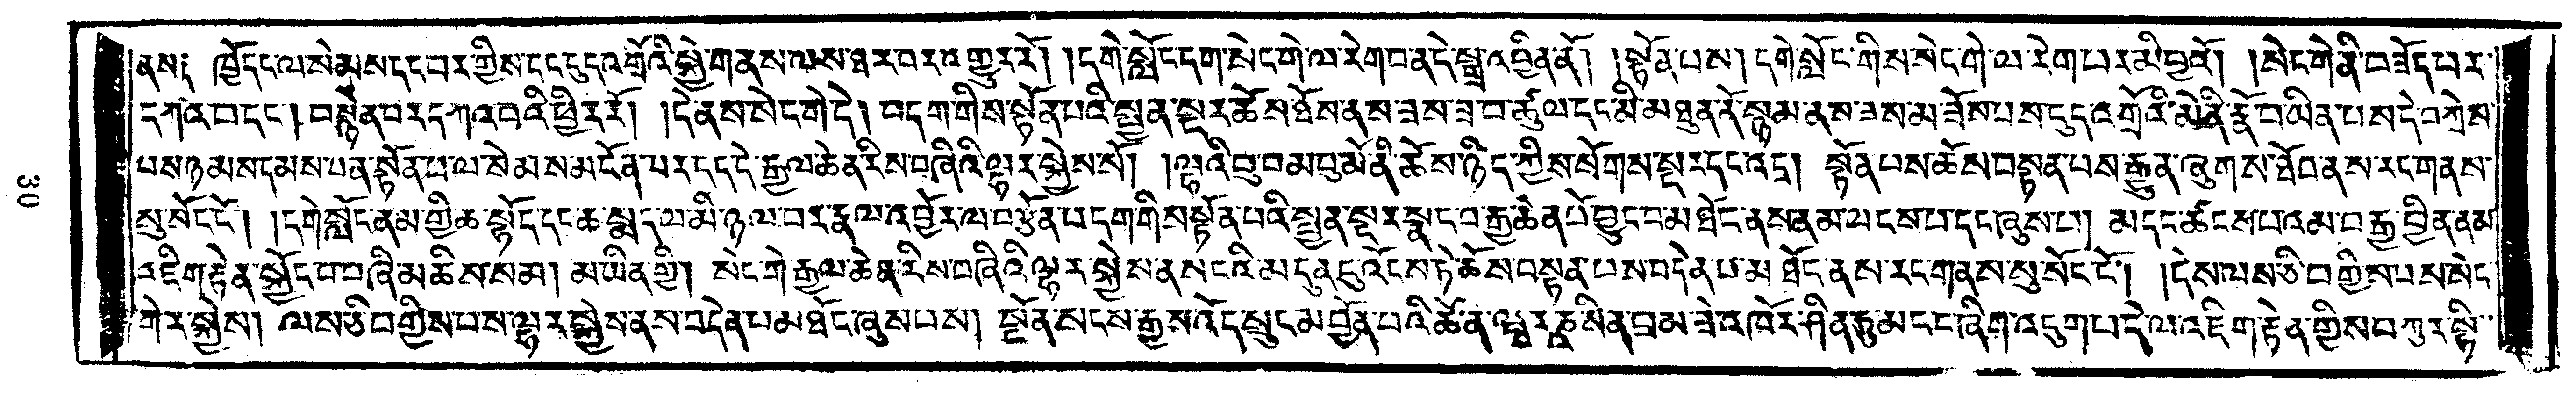ནས༑ ཁྱོ་དང་ལ་སེམས་དང་བར་གྱིས་ངང་དུད་འགྲོའི་སྐྱེ་གནས་ལས་ཐར་བར་འགྱུར་རོ། །དགེ་སློང་དག་སེང་གེ་ལ་རེག་བ་ན་དེ་སྒྲ་འབྱིན་ནོ། །སྟོན་པས། དགེ་སློང་གིས་སེང་གེ་ལ་རེག་པར་མི་བྱའོ། །སེང་གེ་ནི་བཟོད་པར་
དཀའ་བ་དང་། བསྙེན་བར་དཀའ་བའི་ཕྱིར་རོ། །དེ་ནས་སེང་གེ་དེ། བདག་གིས་སྟོན་པའི་སྤྱན་སྔར་ཆོས་ཐོས་ནས་ཟས་ཟ་བ་ཚུལ་དང་མི་མཐུན་ནོ་སྙམ་ནས་ཟས་མ་ཟོས་པས་དུད་འགྲོའི་མེ་ནི་རྣོ་བ་ཡིན་པས་དེ་བཀྲེས་
པས་ཉམས་དམས་པ་ན་སྟོན་པ་ལ་སེམས་མངོན་པར་དད་དེ་རྒྱལ་ཆེན་རིས་བཞིའི་ལྷར་སྐྱེས་སོ། །ལྷའི་བུ་བམ་བུ་མོ་ནི་ཆོས་ཉིད་ཀྱིས་སོགས་སྔར་དང་འདྲ། སྟོན་པས་ཆོས་བསྟན་པས་རྒྱུན་ཞུགས་ཐོབ་ནས་རང་གནས་
སུ་སོང་ངོ། །དགེ་སློང་ནམ་གྱི་ཆ་སྟོད་དང་ཆ་སྨད་ལ་མི་ཉལ་བར་རྣལ་འབྱོར་ལ་བརྩོན་པ་དག་གིས་སྟོན་པའི་སྤྱན་སྔར་སྣང་བ་རྒྱ་ཆེན་པོ་བྱུང་བ་མ་མཐོང་ནས་ནམ་ལངས་པ་དང་ཞུས་པ། མདང་ཚངས་པའམ་བརྒྱ་བྱིན་ནམ་
འཇིག་རྟེན་སྐྱོང་བ་བཞི་མཆིས་སམ། མ་ཡིན་གྱི། སེང་གེ་རྒྱལ་ཆེན་རིས་བཞིའི་ལྷར་སྐྱེས་ནས་ངའི་མདུན་དུ་འོངས་ཏེ་ཆོས་བསྟན་པས་བདེན་པ་མཐོང་ནས་རང་གནས་སུ་སོང་ངོ། །དེས་ལས་ཅི་བགྱིས་པས་སེང་
གེར་སྐྱེས། ལས་ཅི་བགྱིས་པས་ལྷར་སྐྱེས་ནས་བདེན་པ་མཐོང་ཞུས་པས། སྔོན་སངས་རྒྱས་འོད་སྲུང་མ་བྱོན་པའི་ཚེ་ན་ཝཱར་ཎཱ་སིན་བྲམ་ཟེ་འཁོར་ཤིན་ཏུ་མང་བ་ཞིག་འདུག་པ་དེ་ལ་འཇིག་རྟེན་གྱིས་བཀུར་སྟི་